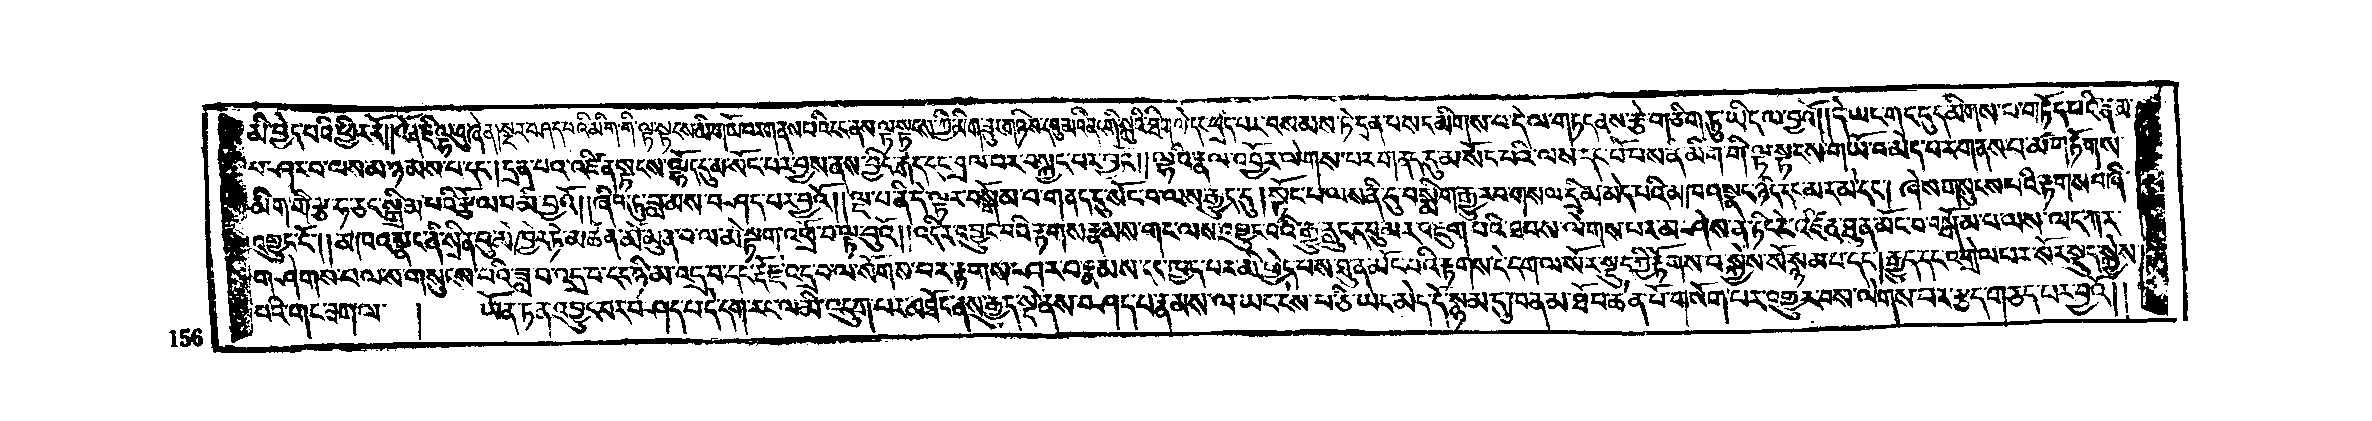མི་བྱེད་པའི་ཕྱིར་རོ། །འོ་ན་ཇི་ལྟ་བུ་ཞེ་ན། སྔར་བཤད་པའི་མིག་གི་ལྟ་སྟངས་མི་གཡོ་བར་གནས་པའི་ངང་ནས་ལྟ་སྟངས་ཀྱི་མིག་ཟུང་གཉིས་དབུ་མའི་ནང་གི་སྐུའི་ཐིག་ལེ་དང་ཕྲད་པར་བསམས་ཏེ་དྲན་པས་དམིགས་པ་དེ་ལ་གཏད་ནས་རྩེ་གཅིག་ཏུ་ཡིད་ལ་བྱའོ། །དེ་ཡང་གང་དུ་དམིགས་པ་གཏོད་པའི་རྣམ་
པ་ཤར་བ་ལས་མ་ཉམས་པ་དང་། དྲན་པའི་འཛིན་སྟངས་ལྷོད་དུ་མ་སོང་བར་བྱས་ནས་བྱིང་རྒོད་དང་བྲལ་བར་བསྐྱད་པར་བྱའོ། །ལྷའི་རྣལ་འབྱོར་ལེགས་པར་གནད་དུ་མ་སོང་པའི་ལས་དང་པོ་པས་ནི་མིག་གི་ལྟ་སྟངས་གཡོ་བ་མེད་པར་གནས་པ་མ་གཏོགས་
མིག་གི་རྩ་ཧ་ཅང་སྒྲིམ་པའི་རྩོལ་བ་མི་བྱའོ། །ཞིབ་ཏུ་བླ་མས་བཤད་པར་བྱའོ། །ལྔ་པ་ནི་དེ་ལྟར་བསྒོམ་པ་གནད་དུ་སོང་བ་ལས་རྒྱུད་དུ། སྟོང་པ་ལས་ནི་དུ་བ་སྨིག་རྒྱུ་རབ་གསལ་དྲི་མ་མེད་པའི་མཁའ་སྣང་ཉིད་དང་མར་མེ་དང་། ཞེས་གསུངས་པའི་རྟགས་བཞི་
འགྱུར་རོ། །མཁའ་སྣང་ནི་སྲིན་བུ་མེ་ཁྱེར་ཏེ་མཚན་མོ་མུན་པ་ལ་མེ་སྟག་འཕྲོ་བ་ལྟ་བུའོ། །འདིར་འབྱུང་བའི་རྟགས་རྣམས་གང་ལས་འབྱུང་བའི་རྒྱུ་རླུང་དབུ་མར་འཇུག་པའི་ཐབས་ལེགས་པར་མ་ཤེ་ན་ཏིང་ངེ་འཛིན་ཐུན་མོང་བ་བསྒོམ་པ་ལས་ལ་དཀར་
གཤེགས་པ་ལས་གསུངས་པའི་ཟླ་བ་འདྲ་བ་དང་ཉི་མ་འདྲ་བ་དང་རྡོ་རྗེ་འདྲ་བ་ལ་སོགས་པར་རྟགས་ཤར་བ་རྣམས་དང་ཁྱད་པར་མི་ཕྱེད་པས་ཐུན་མོང་བའི་རྟགས་དེ་དག་ལ་སོར་སྡུད་ཀྱི་རྟོགས་པ་སྐྱེས་སོ་སྙམ་པ་དང་། རྒྱུད་དང་འགྲེལ་པར་སོར་སྡུད་སྐྱེས་
པའི་གང་ཟག་ལ། ཡོན་ཏན་འབྱུང་བར་བཤད་པ་དེ་དག་རང་ལ་མི་འདུག་པར་མཐོང་ནས་རྒྱུད་སྡེ་ནས་བཤད་པ་རྣམས་ལ་ཡང་ངེས་པ་ཅི་ཡང་མེད་དོ་སྙམ་དུ་ཁ་ན་མ་ཐོབ་ཆེན་པོ་གསོག་པར་འགྱུར་བས་ལེགས་པར་རྩད་གཅད་པར་བྱའོ། །